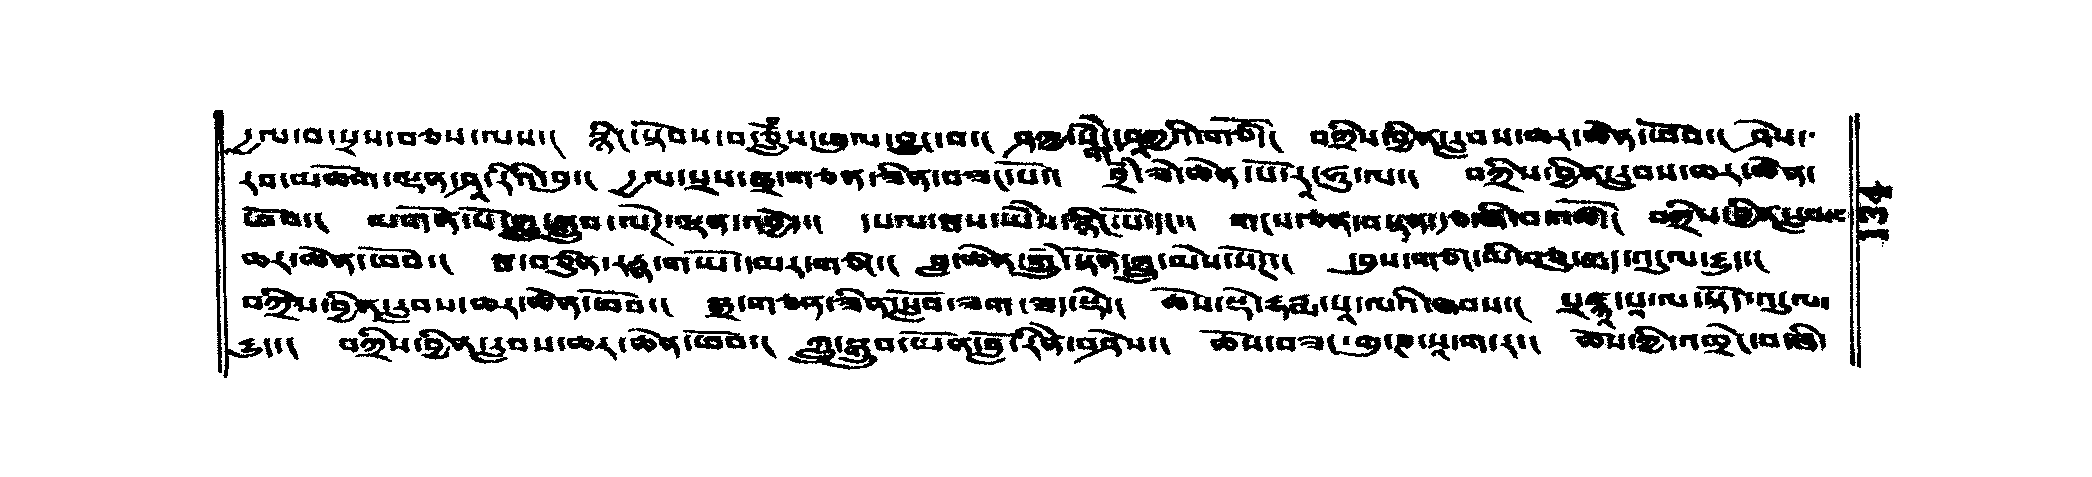རྒྱལ་བ་སྲས་བཅས་ལས། །སྙིང་སྟོབས་བརྩོན་འགྲུས་ཕུལ་བྱུང་བ། །ཤཱཀྱ་སེངྒེ་ཤཱཀྱའི་གཙོ། །བཀྲ་ཤིས་བྱིན་རླབས་ཆར་ཆེན་ཕོབ། །ཤེས་
རབ་མཆོག་ལྡན་ཤཱ་རིའི་བུ། །རྒྱལ་སྲས་སྒྲ་གཅན་འཛིན་བཟང་པོ། །བྲམ་ཟེ་ཆེན་པོ་རཱ་ཧུ་ལ། །བཀྲ་ཤིས་བྱིན་རླབས་ཆར་ཆེན་
ཕོབ། །མགོན་པོ་ཀླུ་སྒྲུབ་ལེགས་ལྡན་འབྱེད། །དཔལ་སྦས་ཡེ་ཤེས་སྙིང་པོ་དང་། །གངས་ཅན་བསྟན་རྩ་ཞི་བ་འཚོ། །བཀྲ་ཤིས་བྱིན་རླབས་
ཆར་ཆེན་ཕོབ། །སྦ་བཙུན་རཏྣ་གཡོ་དམར་གཙང་། །བླ་ཆེན་གྲུམ་སྟོན་ཀླུ་མེས་སོགས། །དབུས་གཙང་མི་བཅུ་སྨད་འདུལ་རྒྱུད། །
བཀྲ་ཤིས་བྱིན་རླབས་ཆར་ཆེན་ཕོབ། །སྒྲ་གཅན་འཛིན་སློབ་ཟག་ཟད་སྡེ། །ཆོས་སྡེ་དྷརྨ་པཱ་ལའི་ཞབས། །པྲཛྙཱ་པཱ་ལ་སྟོད་འདུལ་
རྒྱུད། །བཀྲ་ཤིས་བྱིན་རླབས་ཆར་ཆེན་ཕོབ། །ཀླུ་སྒྲུབ་ཡོན་བློ་རིན་ཆེན་བཤེས། །ཆོས་བཟང་གུ་ཎ་སཱ་ག་ར། །ཆོས་ཀྱི་འཕྲེང་བ་ཞི་